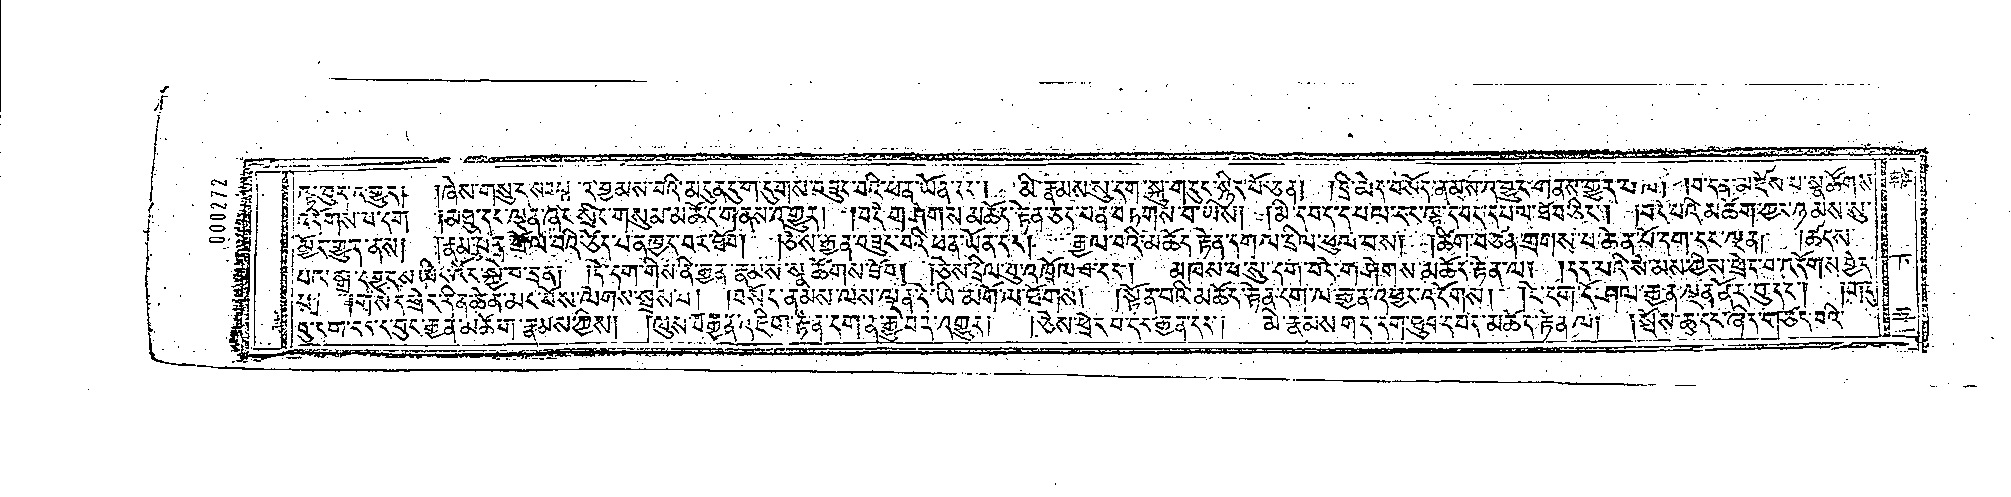ལྟ་བུར་འཕྱུར། །ཞེས་གསུངས་བ་ལྟར་བྱམས་བའི་མདུན་དུ་གདུགས་བཟུང་བའི་ཕན་ཡོན་དང་། མི་རྣམས་སུ་དག་སྐུ་གདུང་སྙིང་པོ་ཅན། །དྲི་མེད་བསོད་ནམས་འབྱུང་གནས་གྱུར་པ་ལ། །བ་དན་མཛེས་པ་སྣ་ཚོགས་
འདོགས་པ་དག །མཐུ་དང་ལྡན་ཞིང་སྲིད་གསུམ་མཆོད་གནས་འགྱུར། །བདེ་གཤེགས་མཆོད་རྟེན་དང་ཕན་བཏགས་པ་ཡིས། །མི་དབང་དཔལ་དང་ལྷ་དབང་དཔལ་ཐོབ་ཅིང་། །བདེ་པའི་མཆོག་ཀྱང་ཉམས་སུ་
མྱོང་གྱུར་ནས། །རྣམ་པར་གྲོལ་བའི་ཅོད་པན་ཁྱད་བར་ཐོབ། །ཅེས་རྒྱན་བཟུང་བའི་ཕན་ཡོན་དང་། རྒྱལ་བའི་མཆོད་རྟེན་དག་ལ་དྲིལ་ཕུལ་བས། །ཚིག་བཙན་གྲགས་པ་ཆེན་པོ་དག་དང་ལྡན། །ཚངས་
པའི་སྒྲ་དབྱངས་ཡིད་འོད་སྐྱེ་བ་དྲན། །དེ་དག་གིས་ནི་རྒྱན་རྣམས་སྣ་ཚོགས་ཐོབ། །ཅེས་དྲིལ་བུ་འཁྲོལ་བ་དང་། མཁས་པ་སུ་དག་བདེ་གཤེགས་མཆོད་རྟེན་ལ། །དད་པའི་སེམས་ཀྱིས་ཕྲེང་བ་འདོགས་བྱེད་
པ། །གསེར་ཕྲེང་རིན་ཆེན་མང་པོས་ལེགས་སྤྲས་པ། །བསོད་ནམས་ལས་ལྡན་དེ་ཡི་མགོ་ལ་ཐོགས། །སྟོན་པའི་མཆོད་རྟེན་དག་ལ་རྒྱན་འཕྱད་འདོགས། །དེ་དག་དོ་ཤལ་རྒྱན་ལྡན་ནོར་བུ་དང་། །གང་
བུ་དག་དང་དཔུང་རྒྱན་མཆོག་རྣམས་ཀྱིས། །ལུས་བརྒྱན་འཇིག་རྟེན་དག་ན་རྒྱུ་བར་འགྱུར། །ཅེས་ཕྲེང་བ་དང་རྒྱན་དང་། མི་རྣམས་གང་དག་ཐུབ་དབང་མཆོད་རྟེན་ལ། །སྤོས་ཆུ་དང་ཞིང་གཙང་བའི་